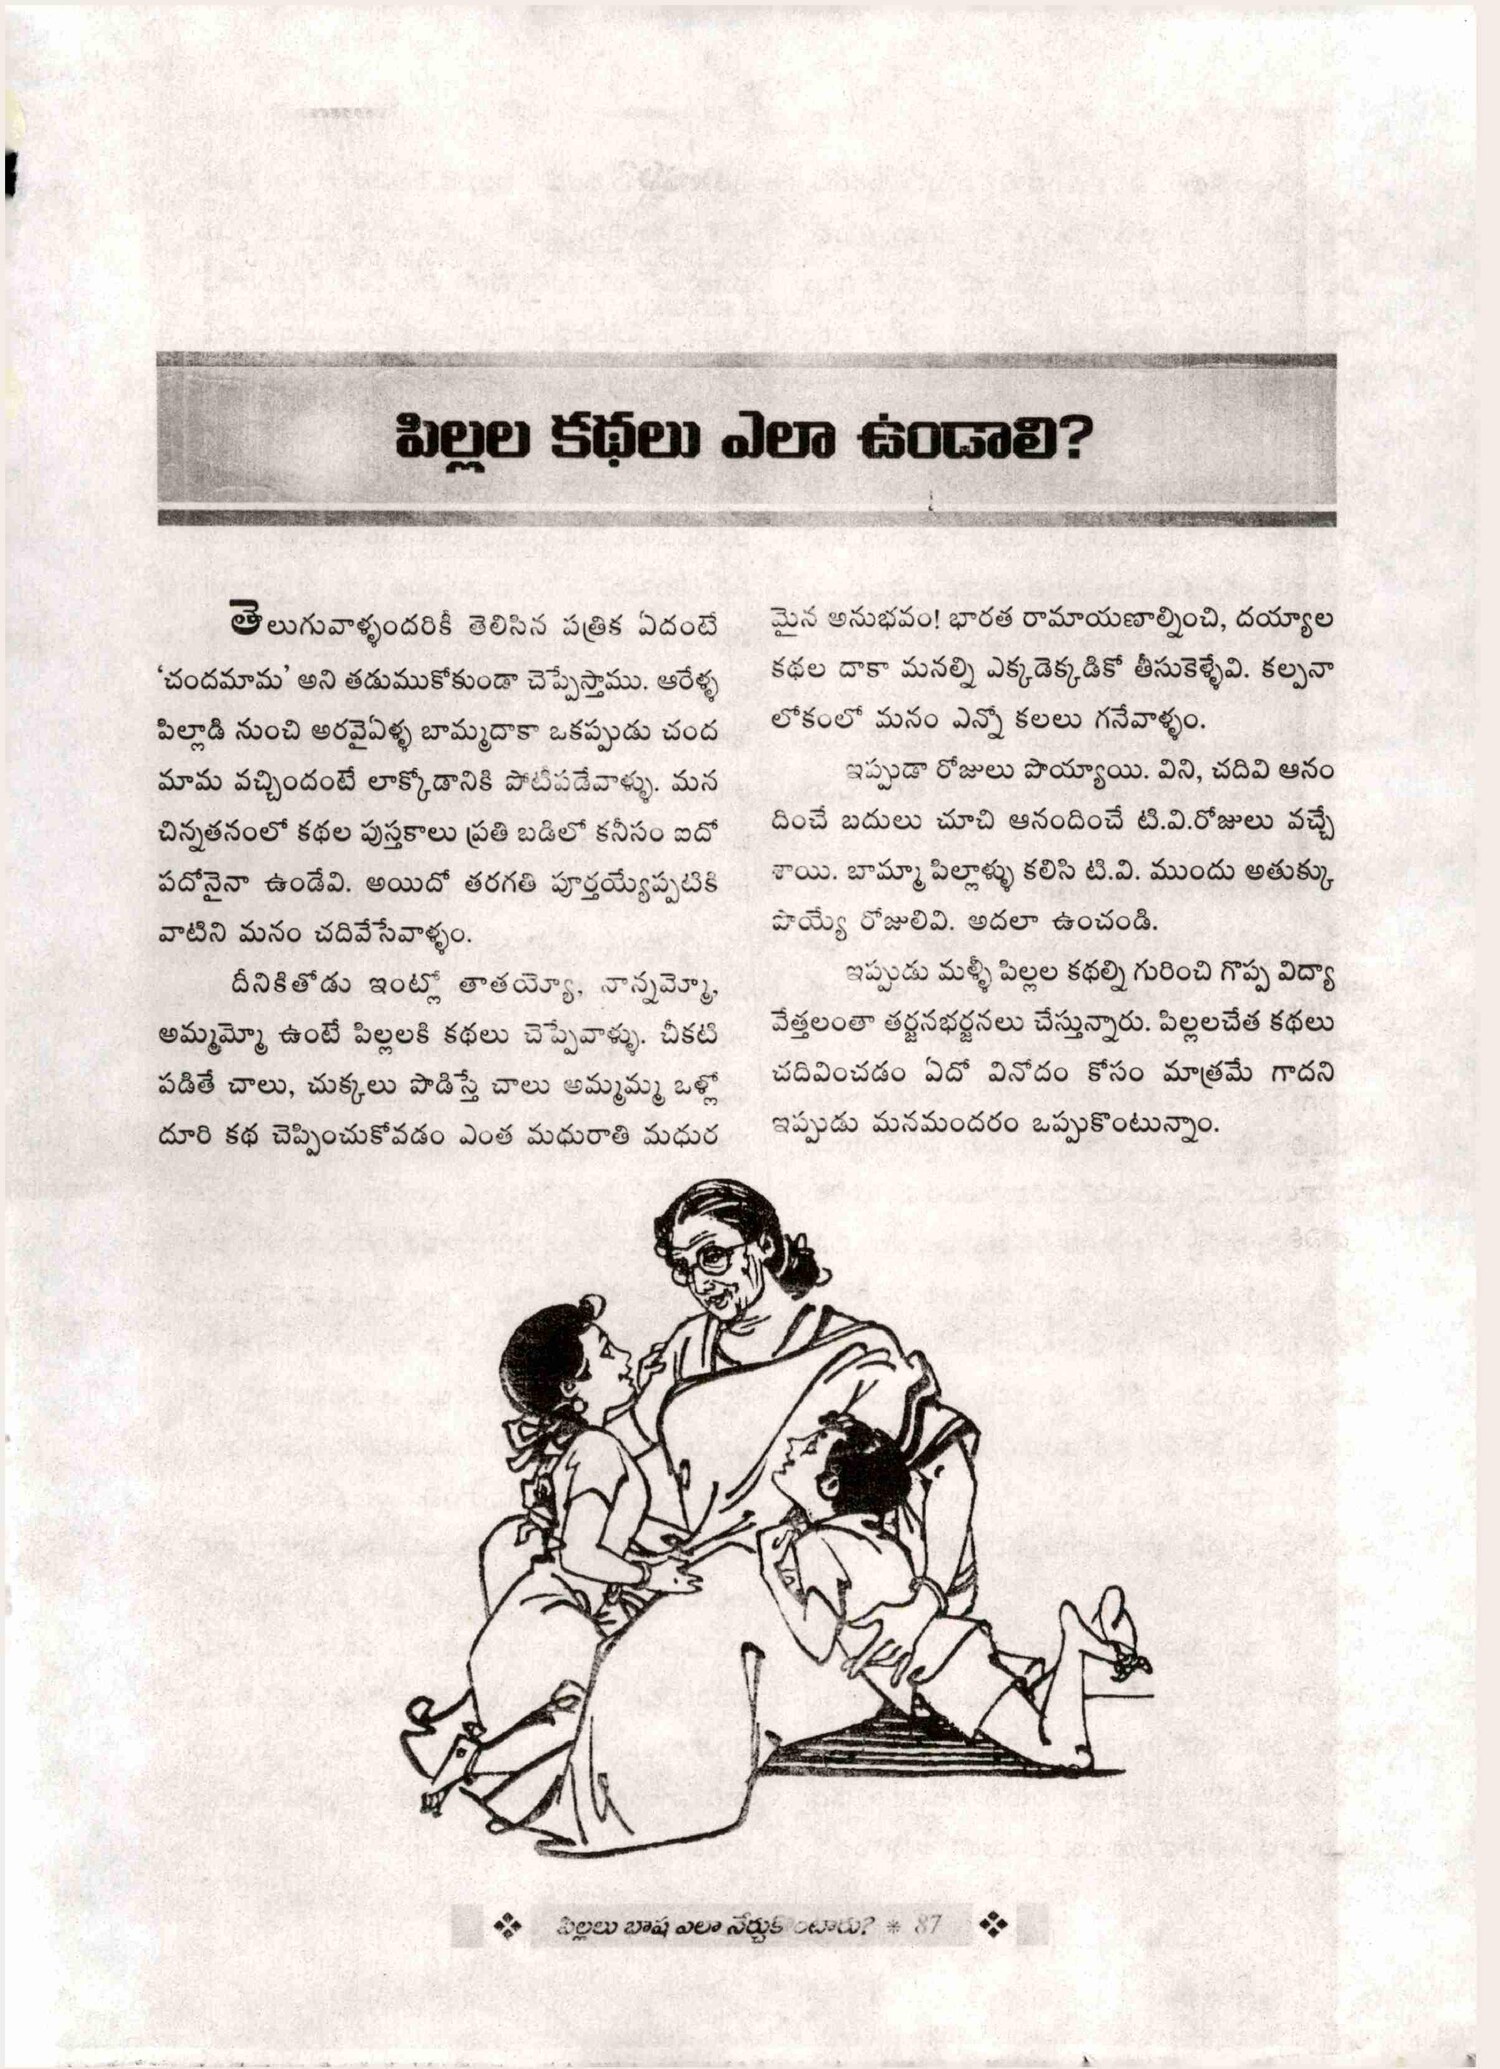పిల్లల కథలు ఎలా ఉండాలి?

తెలుగువాళ్ళందరికీ తెలిసిన పత్రిక ఏదంటే 'చందమామ' అని తడుముకోకుండా చెప్పేస్తాము. ఆరేళ్ళ పిల్లాడి నుంచి అరవైఏళ్ళ బామ్మదాకా ఒకప్పుడు చందమామ వచ్చిందంటే లాక్కోడానికి పోటిపడేవాళ్ళు. మన చిన్నతనంలో కథల పుస్తకాలు ప్రతి బడిలో కనీసం ఐదో పదోనైనా ఉండేవి. అయిదో తరగతి పూర్తయ్యేప్పటికి వాటిని మనం చదివేసేవాళ్ళం.

దీనికితోడు ఇంట్లో తాతయ్యో, నాన్నమ్మో, అమ్మమ్మో ఉంటే పిల్లలకి కథలు చెప్పేవాళ్ళు. చీకటి పడితే చాలు, చుక్కలు పొడిస్తే చాలు అమ్మమ్మ ఒళ్లో దూరి కథ చెప్పించుకోవడం ఎంత మధురాతి మధురమైన అనుభవం! భారత రామాయణాల్నించి, దయ్యాల కథల దాకా మనల్ని ఎక్కడెక్కడికో తీసుకెళ్ళేవి. కల్పనాలోకంలో మనం ఎన్నో కలలు గనేవాళ్ళం.

ఇప్పుడా రోజులు పొయ్యాయి. విని, చదివి ఆనందించే బదులు చూచి ఆనందించే టి.వి. రోజులు వచ్చేశాయి. బామ్మా పిల్లాళ్ళు కలిసి టి.వి. ముందు అతుక్కుపొయ్యే రోజులివి. అదలా ఉంచండి.

ఇప్పుడు మళ్ళీ పిల్లల కథల్ని గురించి గొప్ప విద్యావేత్తలంతా తర్జనభర్జనలు చేస్తున్నారు. పిల్లలచేత కథలు
చదివించడం ఏదో వినోదం కోసం మాత్రమే గాదని ఇప్పుడు మనమందరం ఒప్పుకొంటున్నాం.